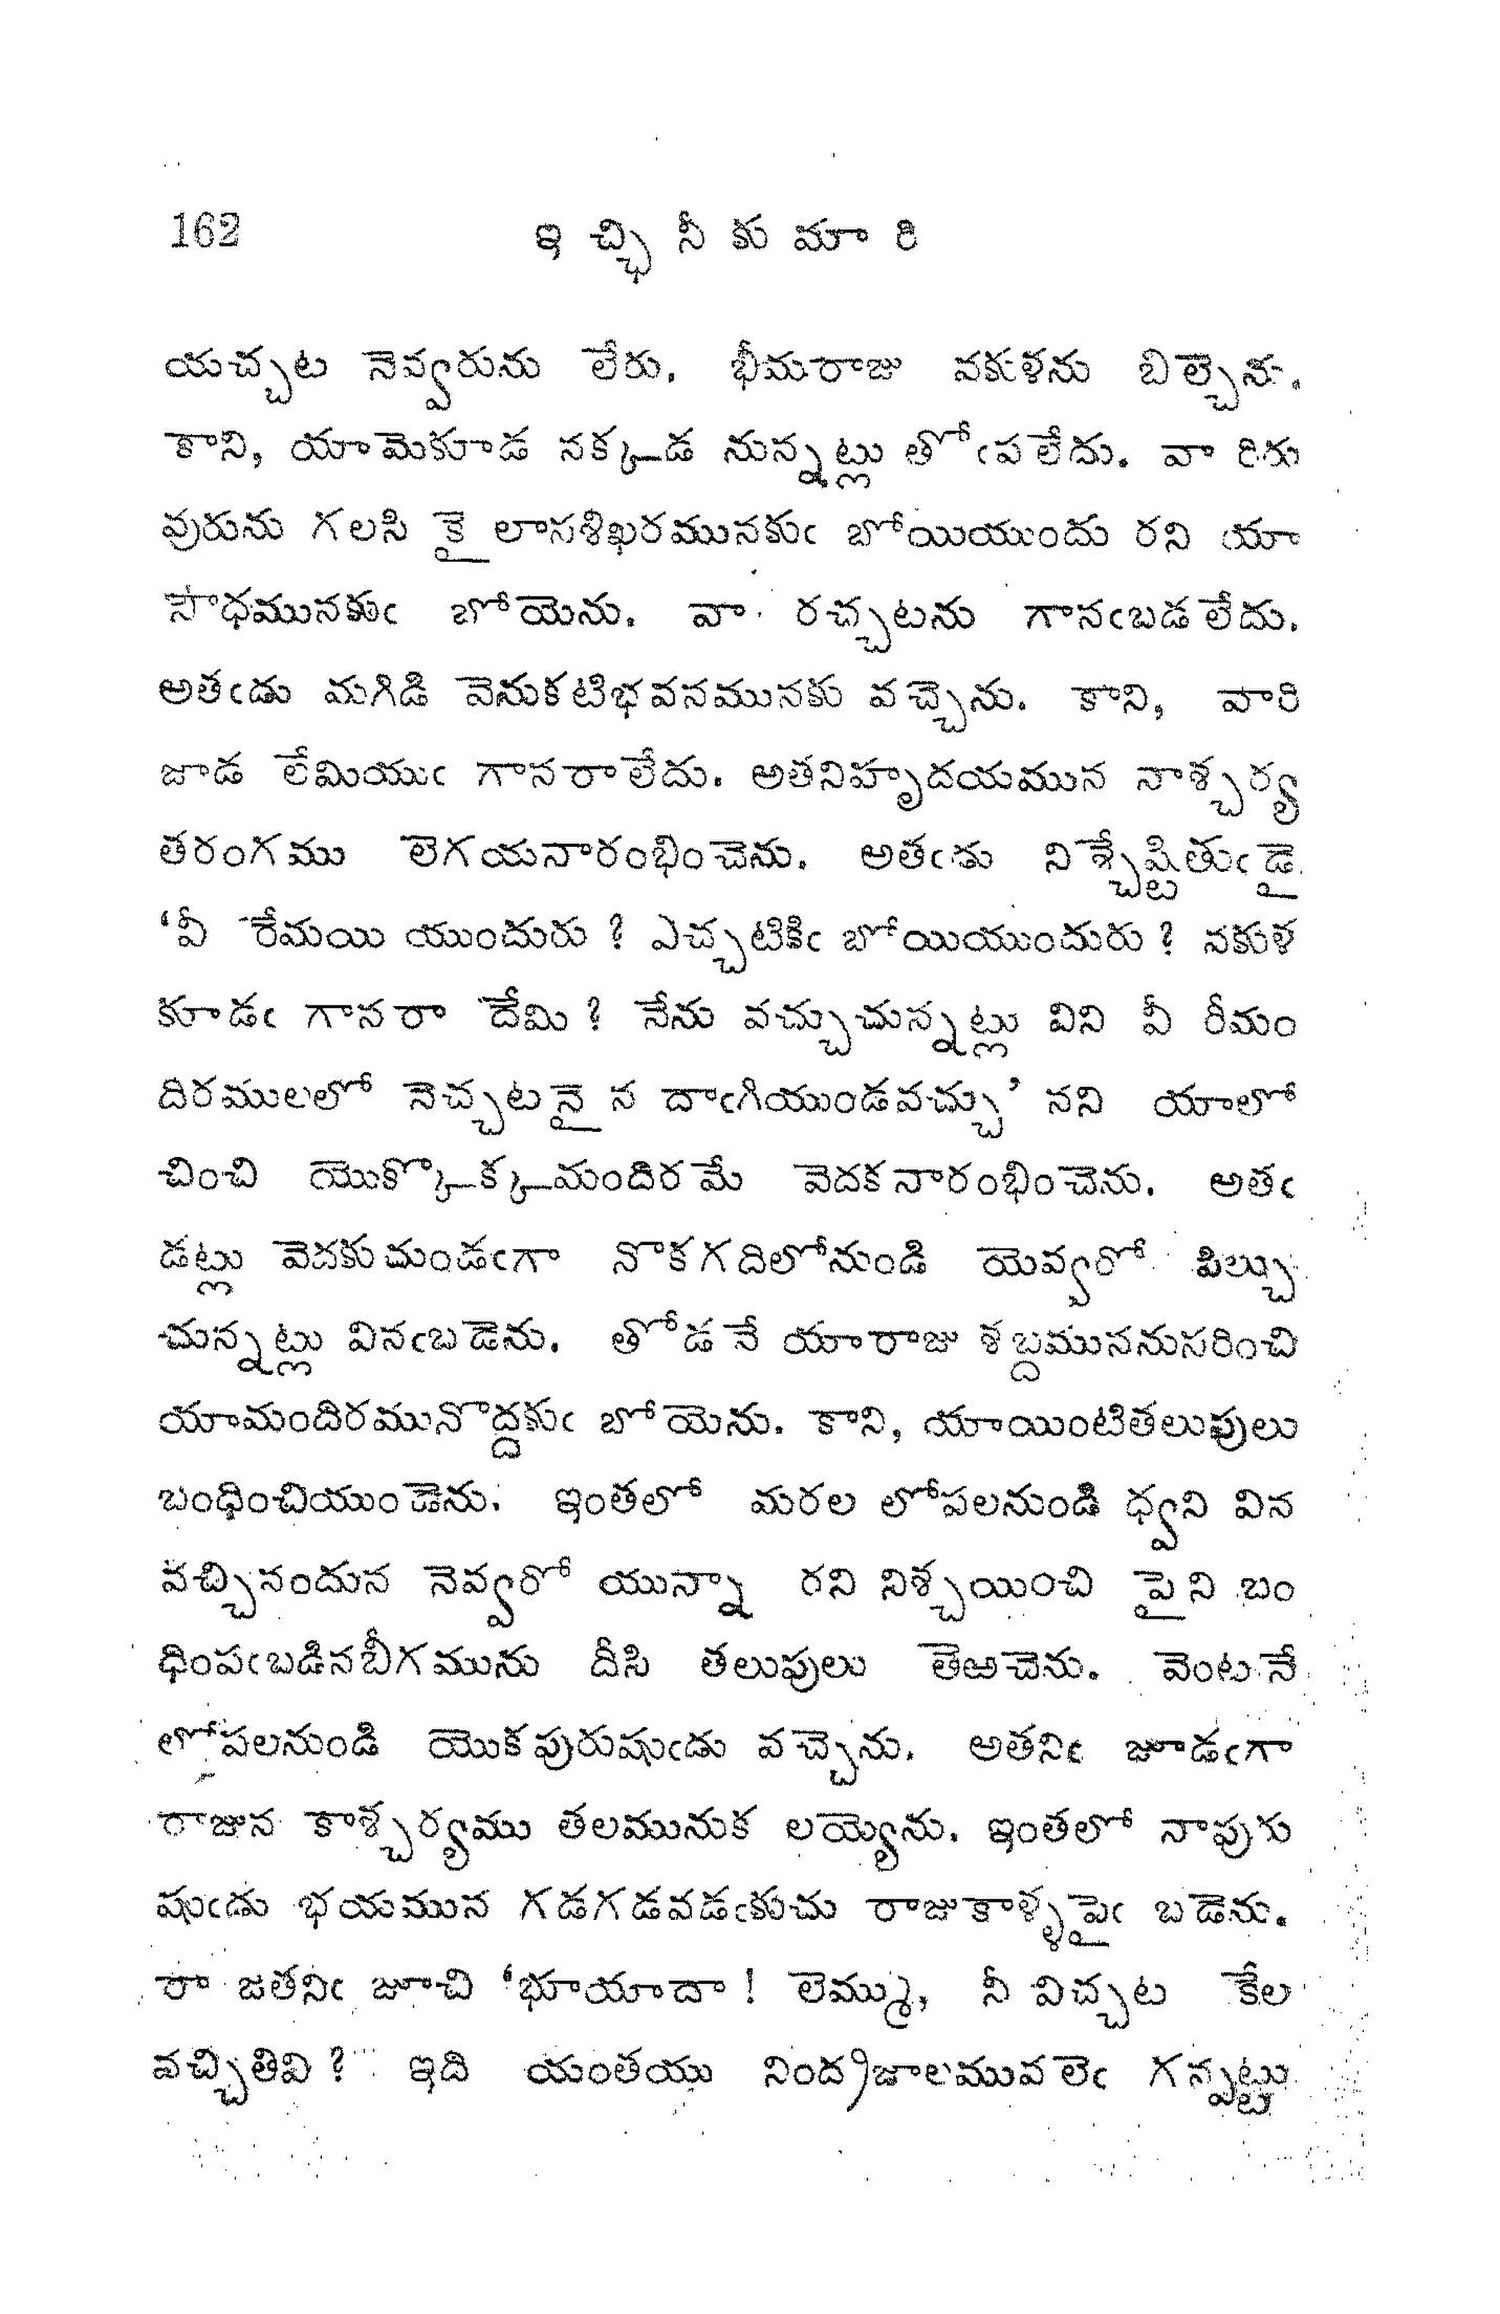యచ్చట నెవ్వరును లేరు, భీమరాజు వకుళను బిల్చెను.
కాని, యామెకూడ నక్కడ నున్నట్లు తోఁప లేదు. వా రిరు
వురును గలసి కైలాసశిఖరమునకుఁ బోయియుందు రని మా
సౌధమునకుఁ బోయెను, రచ్చటను గానఁబడ లేదు.
అతఁడు మగిడి వెనుకటి భవనమునకు వచ్చెను. కాని,
వారి
జాడ లేమియుఁ గాన రాలేదు. అతని హృదయమున నాశ్చర్య
తరంగము లెగయనారంభించెను. అతఁడు నిశ్చేష్టితుఁ డై
‘వీ రేమయి యుందురు ? ఎచ్చటికిఁ బోయియుందురు ? వకుళ
కూడఁ గాన రా 'దేమి ? నేను వచ్చుచున్నట్లు విని వీ రీమం
దిరములలో నెచ్చట నై న దాఁగియుండవచ్చునని యాలో
చించి యొక్కొక్కమందిరమే వెదక నారంభించెను. అత
డట్లు వెదకు చుండఁగా నొక గదిలోనుండి యెవ్వరో పిల్చు
చున్నట్లు వినఁబడెను. తోడ నే యారాజు శబ్దముననుసరించి
యామందిరము నొద్దకుఁ బోయెను. కాని, మాయింటి తలుపులు
బంధించియుండెను. ఇంతలో మరల లోపలనుండి
ధ్వని
వచ్చినందున నెవ్వరో యున్నా రని నిశ్చయించి పైని బం
ధింపఁబడిన బీగమును దీసి తలుపులు తెఱచెను. వెంట నే
లోపలనుండి యొక పురుషుఁడు వచ్చెను. అతనికి జూడఁగా
రాజున కాశ్చర్యము తలమునుక లయ్యెను. ఇంతలో నాపురు
షుఁడు భయమున గడగడవడకుచు రాజు కాళ్ళ పై బడెను.
రా జతనిఁ జూచి భూయాదా ! లెమ్ము, నీ విచ్చట కేల
వచ్చితివి ? " ఇది యంతయు నింద్రజాలమువలెఁ గన్పట్టు